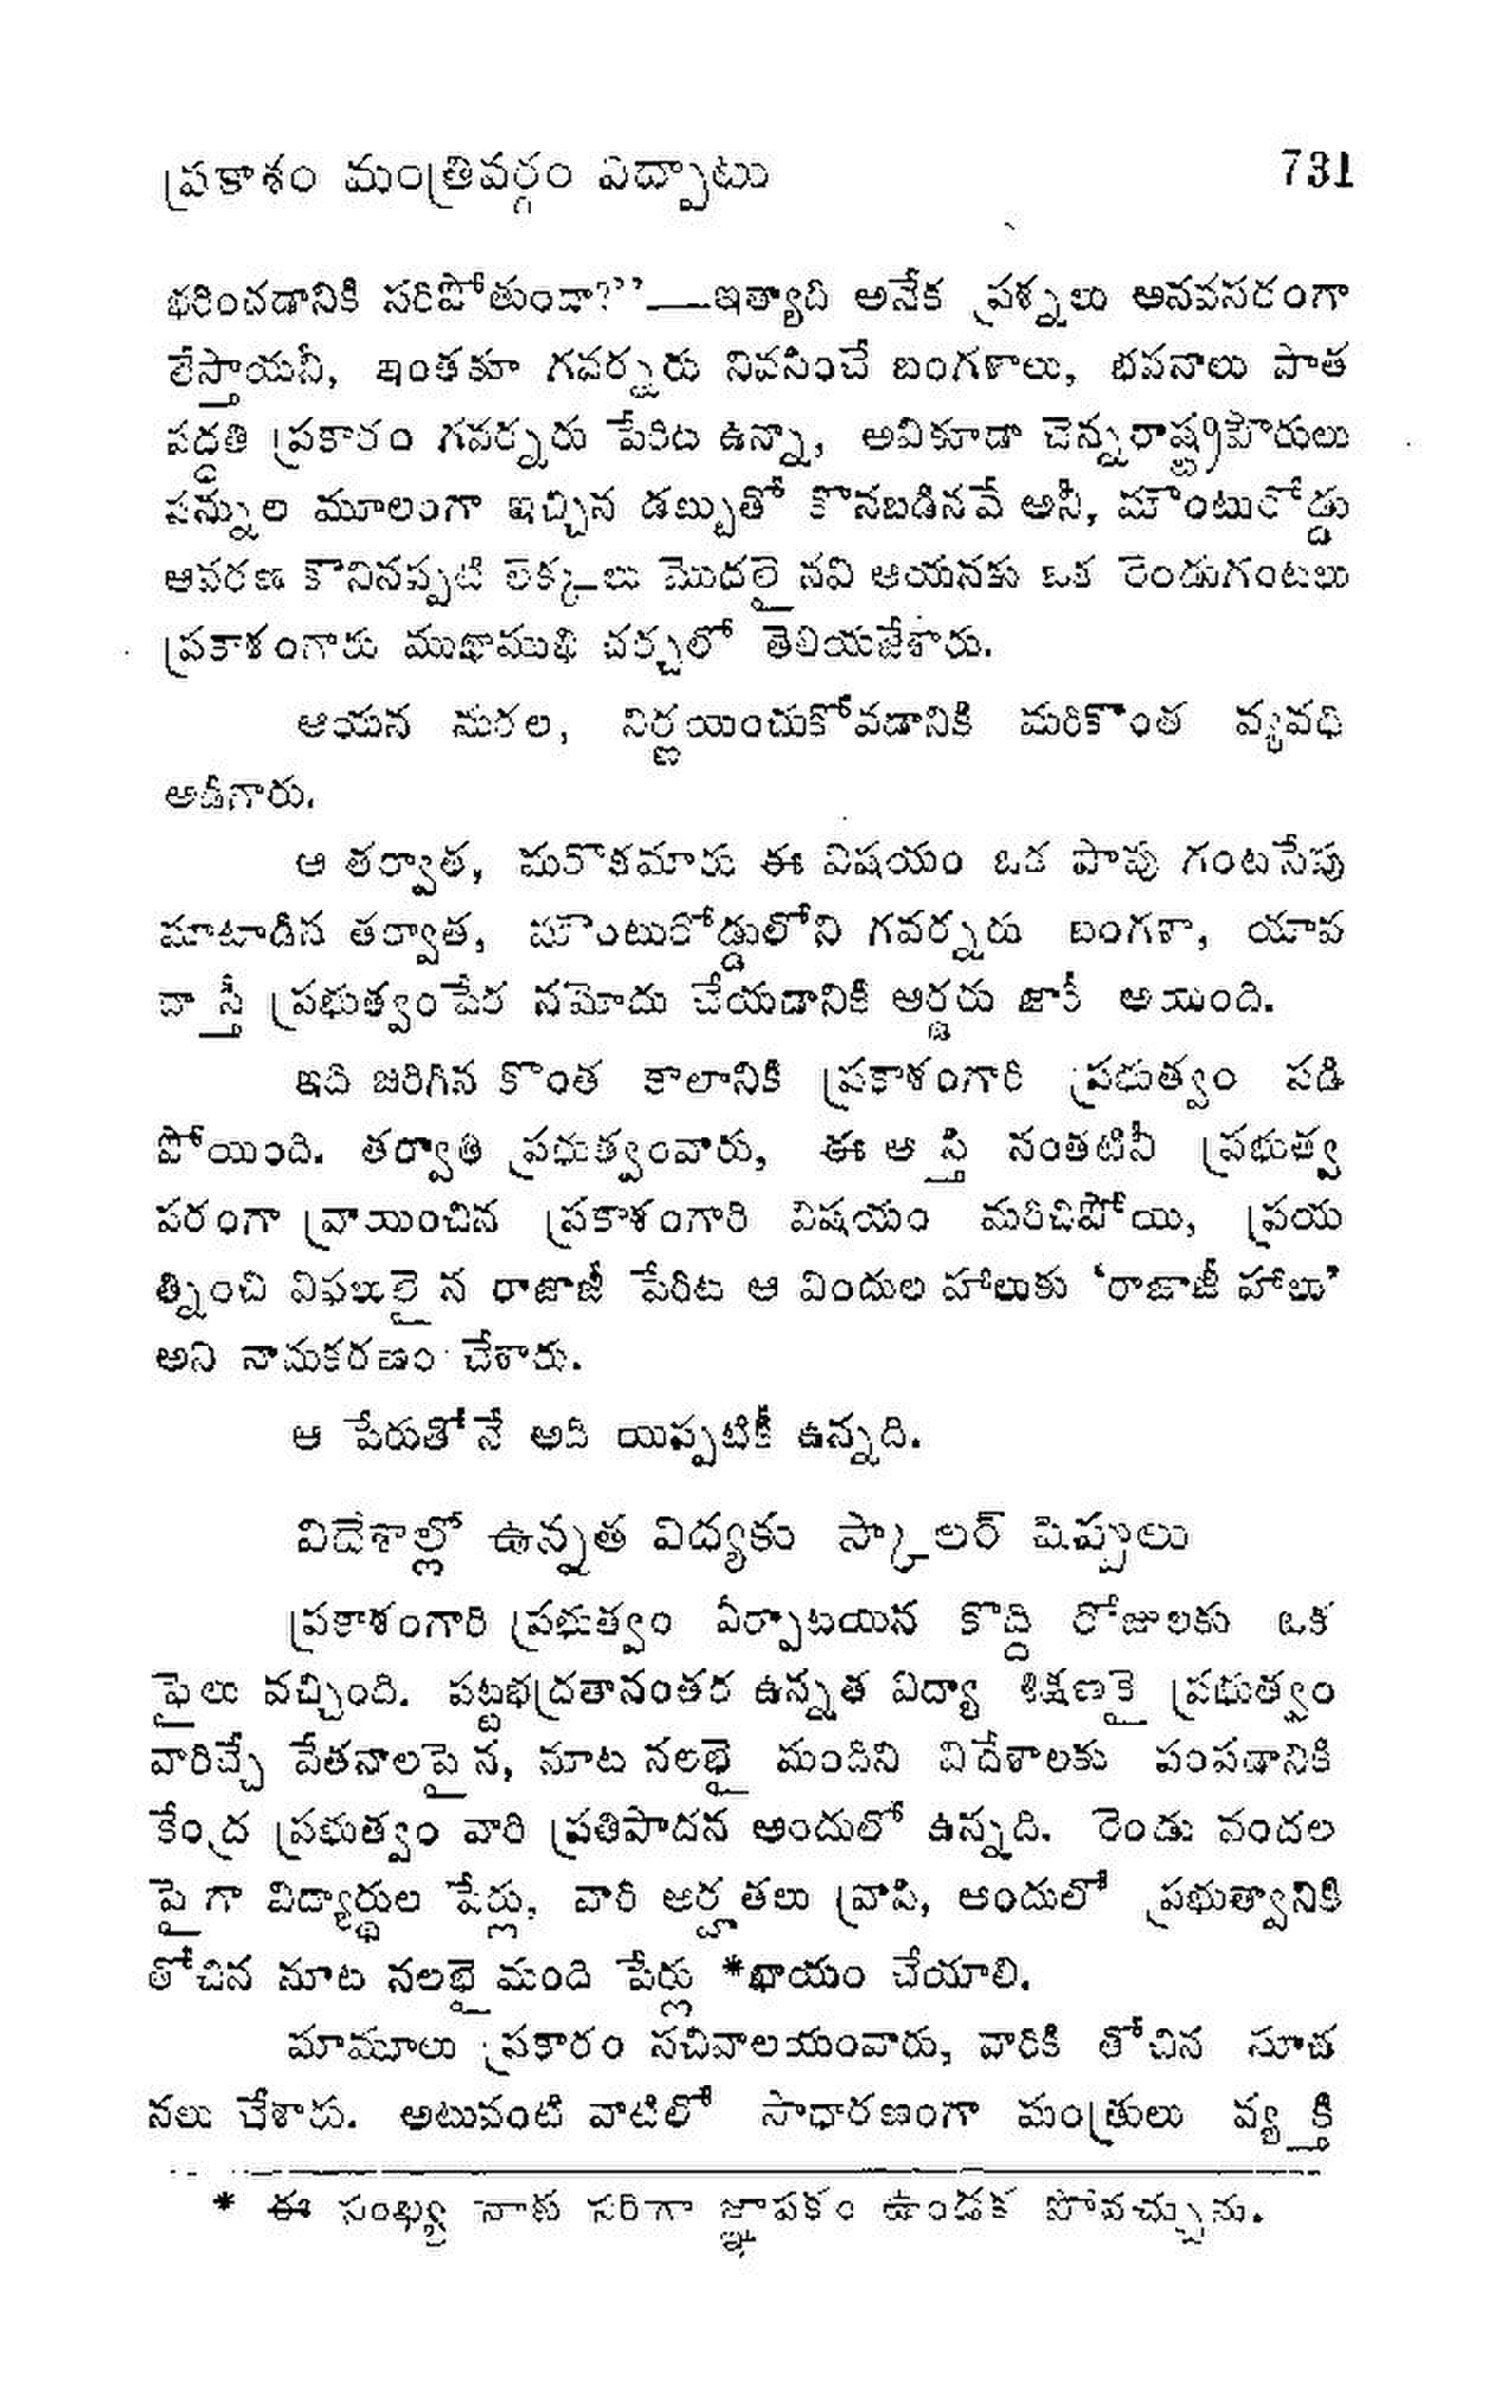భరించడానికి సరిపోతుందా?" - ఇత్యాది అనేక ప్రశ్నలు అనవసరంగా లేస్తాయనీ, ఇంతకూ గవర్నరు నివసించే బంగళాలు, భవనాలు పాతపద్ధతి ప్రకారం గవర్నరు పేరిట ఉన్నా, అవికూడా చెన్నరాష్ట్రపౌరులు పన్నుల మూలంగా ఇచ్చిన డబ్బుతో కొనబడినవే అనీ, మౌంటురోడ్డు ఆవరణ కొనినప్పటి లెక్కలు మొదలైనవి ఆయనకు ఒక రెండుగంటలు ప్రకాశంగారు ముఖాముఖి చర్చలో తెలియజేశారు.

ఆయన మరల, నిర్ణయించుకోవడానికి మరికొంత వ్యవధి అడిగారు.

ఆ తర్వాత, మరొకమారు ఈ విషయం ఒక పావు గంటసేపు మాటాడిన తర్వాత, మౌంటురోడ్డులోని గవర్నరు బంగళా, యావదాస్తీ ప్రభుత్వంపేర నమోదు చేయడానికి ఆర్డరు జారీ అయింది.

ఇది జరిగిన కొంత కాలానికి ప్రకాశంగారి ప్రభుత్వం పడిపోయింది. తర్వాతి ప్రభుత్వంవారు, ఈ ఆస్తి నంతటినీ ప్రభుత్వపరంగా వ్రాయించిన ప్రకాశంగారి విషయం మరచిపోయి, ప్రయత్నించి విఫలులైన రాజాజీ పేరిట ఆ విందుల హాలుకు 'రాజాజీ హాలు' అని నామకరణం చేశారు.

ఆ పేరుతోనే అది యిప్పటికీ ఉన్నది.

ప్రకాశంగారి ప్రభుత్వం ఏర్పాటయిన కొద్ది రోజులకు ఒక ఫైలు వచ్చింది. పట్టభద్రతానంతర ఉన్నత విద్యా శిక్షణకై ప్రభుత్వం వారిచ్చే వేతనాలపైన, నూట నలభై మందిని విదేశాలకు పంపడానికి కేంద్ర ప్రభుత్వం వారి ప్రతిపాదన అందులో ఉన్నది. రెండు వందలపైగా విద్యార్థుల పేర్లు, వారి అర్హతలు వ్రాసి, అందులో ప్రభుత్వానికి తోచిన నూట నలభై మంది పేర్లు ఖాయం చేయాలి.

మామూలు ప్రకారం సచివాలయంవారు, వారికి తోచిన సూచనలు చేశారు. అటువంటి వాటిలో సాధారణంగా మంత్రులు వ్యక్తి